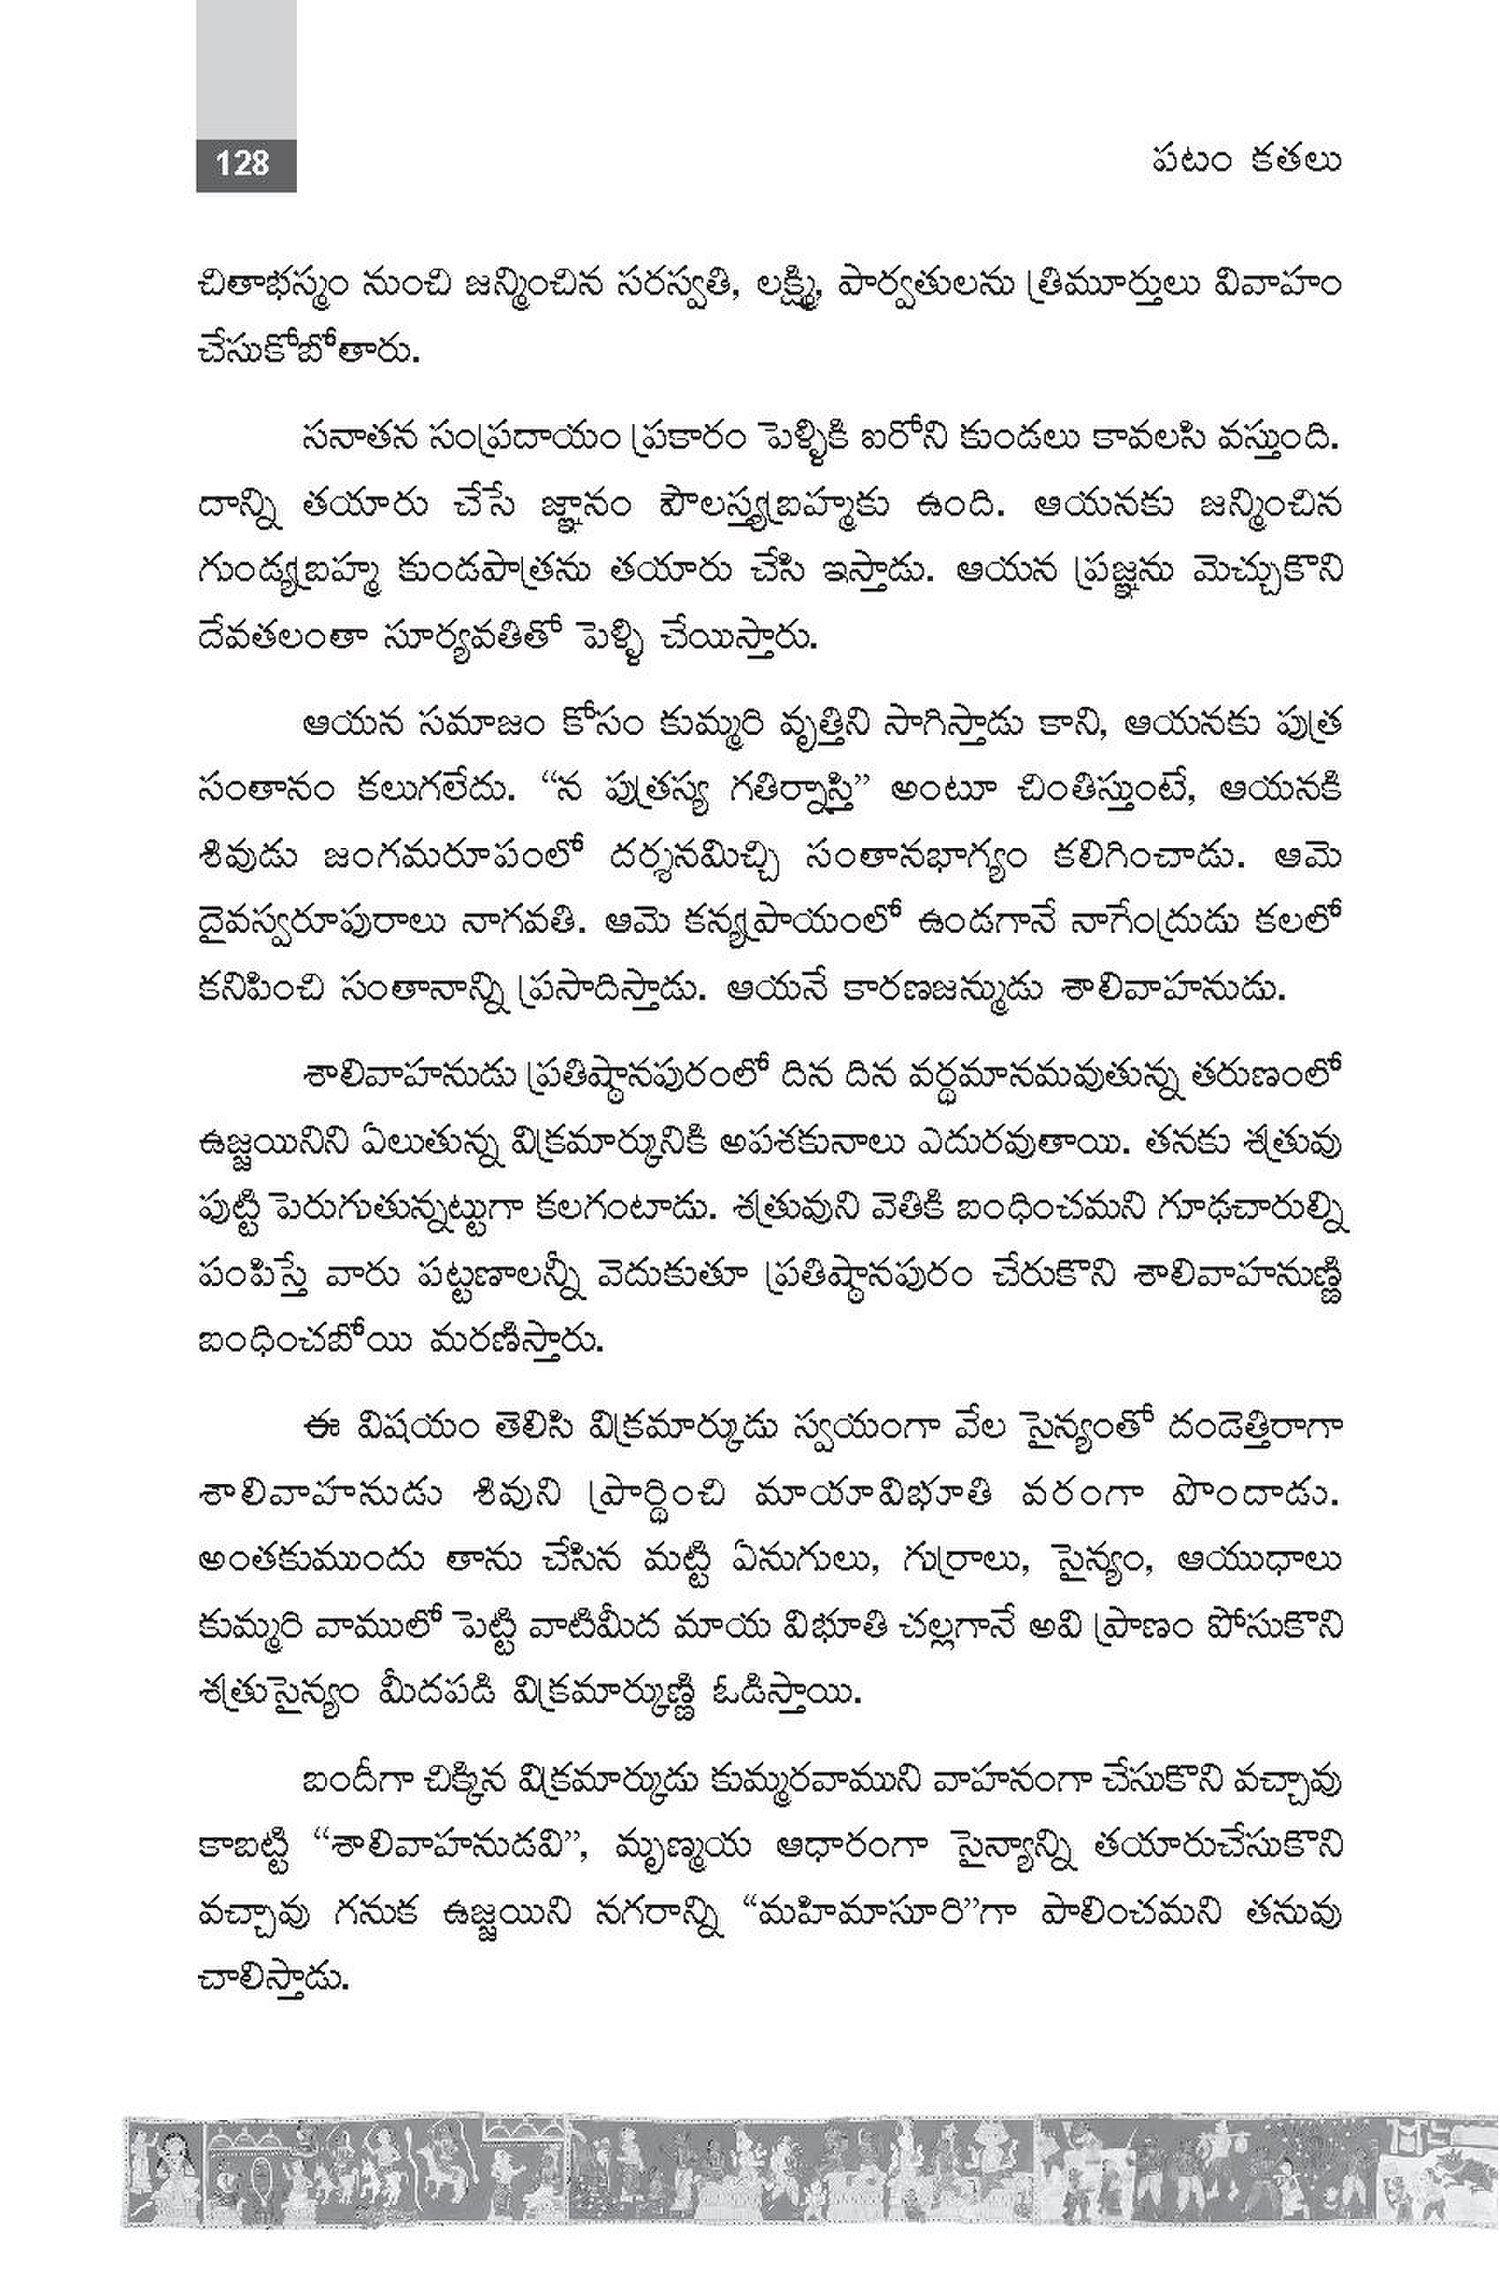చితాభస్మం నుంచి జన్మించిన సరస్వతి, లక్ష్మి, పార్వతులను త్రిమూర్తులు వివాహం చేసుకోబోతారు.

సనాతన సంప్రదాయం ప్రకారం పెళ్ళికి బరోని కుండలు కావలసి వస్తుంది. దాన్ని తయారు చేసే జ్ఞానం పౌలస్యబ్రహ్మకు ఉంది. ఆయనకు జన్మించిన గుండ్యబ్రహ్మ కుండపాత్రను తయారు చేసి ఇస్తాడు. ఆయన ప్రజ్ఞను మెచ్చుకొని
దేవతలంతా సూర్యవతితో పెళ్ళి చేయిస్తారు.

ఆయన సమాజం కోసం కుమ్మరి వృత్తిని సాగిస్తాడు కాని, ఆయనకు పుత్ర సంతానం కలుగలేదు. “న పుత్రస్య గతిర్నాస్తి" అంటూ చింతిస్తుంటే, ఆయనకి శివుడు జంగమరూపంలో దర్శనమిచ్చి సంతానభాగ్యం కలిగించాడు. ఆమె దైవ స్వరూపురాలు నాగవతి. ఆమె కన్యప్రాయంలో ఉండగానే నాగేంద్రుడు కలలో కనిపించి సంతానాన్ని ప్రసాదిస్తాడు. ఆయనే కారణజన్ముడు శాలివాహనుడు.

శాలివాహనుడు ప్రతిష్ఠానపురంలో దిన దిన వర్ధమానమవుతున్న తరుణంలో ఉజ్జయినిని ఏలుతున్న విక్రమార్కునికి అపశకునాలు ఎదురవుతాయి. తనకు శత్రువు పుట్టి పెరుగుతున్నట్టుగా కలగంటాడు. శత్రువుని వెతికి బంధించమని గూఢచారుల్ని పంపిస్తే వారు పట్టణాలన్నీ వెదుకుతూ ప్రతిష్ఠానపురం చేరుకొని శాలివాహనుణ్ణి బంధించబోయి మరణిస్తారు.

ఈ విషయం తెలిసి విక్రమార్కుడు స్వయంగా వేల సైన్యంతో దండెత్తిరాగా శాలివాహనుడు శివుని ప్రార్థించి మాయావిభూతి వరంగా పొందాడు. అంతకుముందు తాను చేసిన మట్టి ఏనుగులు, గుర్రాలు, సైన్యం, ఆయుధాలు కుమ్మరి వాములో పెట్టి వాటిమీద మాయ విభూతి చల్లగానే అవి ప్రాణం పోసుకొని శత్రుసైన్యం మీదపడి విక్రమార్కుణ్ణి ఓడిస్తాయి.

బందీగా చిక్కిన విక్రమార్కుడు కుమ్మరవాముని వాహనంగా చేసుకొని వచ్చావు. కాబట్టి "శాలివాహనుడివి”, మృణ్మయ ఆధారంగా సైన్యాన్ని తయారుచేసుకొని వచ్చావు గనుక ఉజ్జయిని నగరాన్ని “మహిమాసూరి"గా పాలించమని తనువు
చాలిస్తాడు.